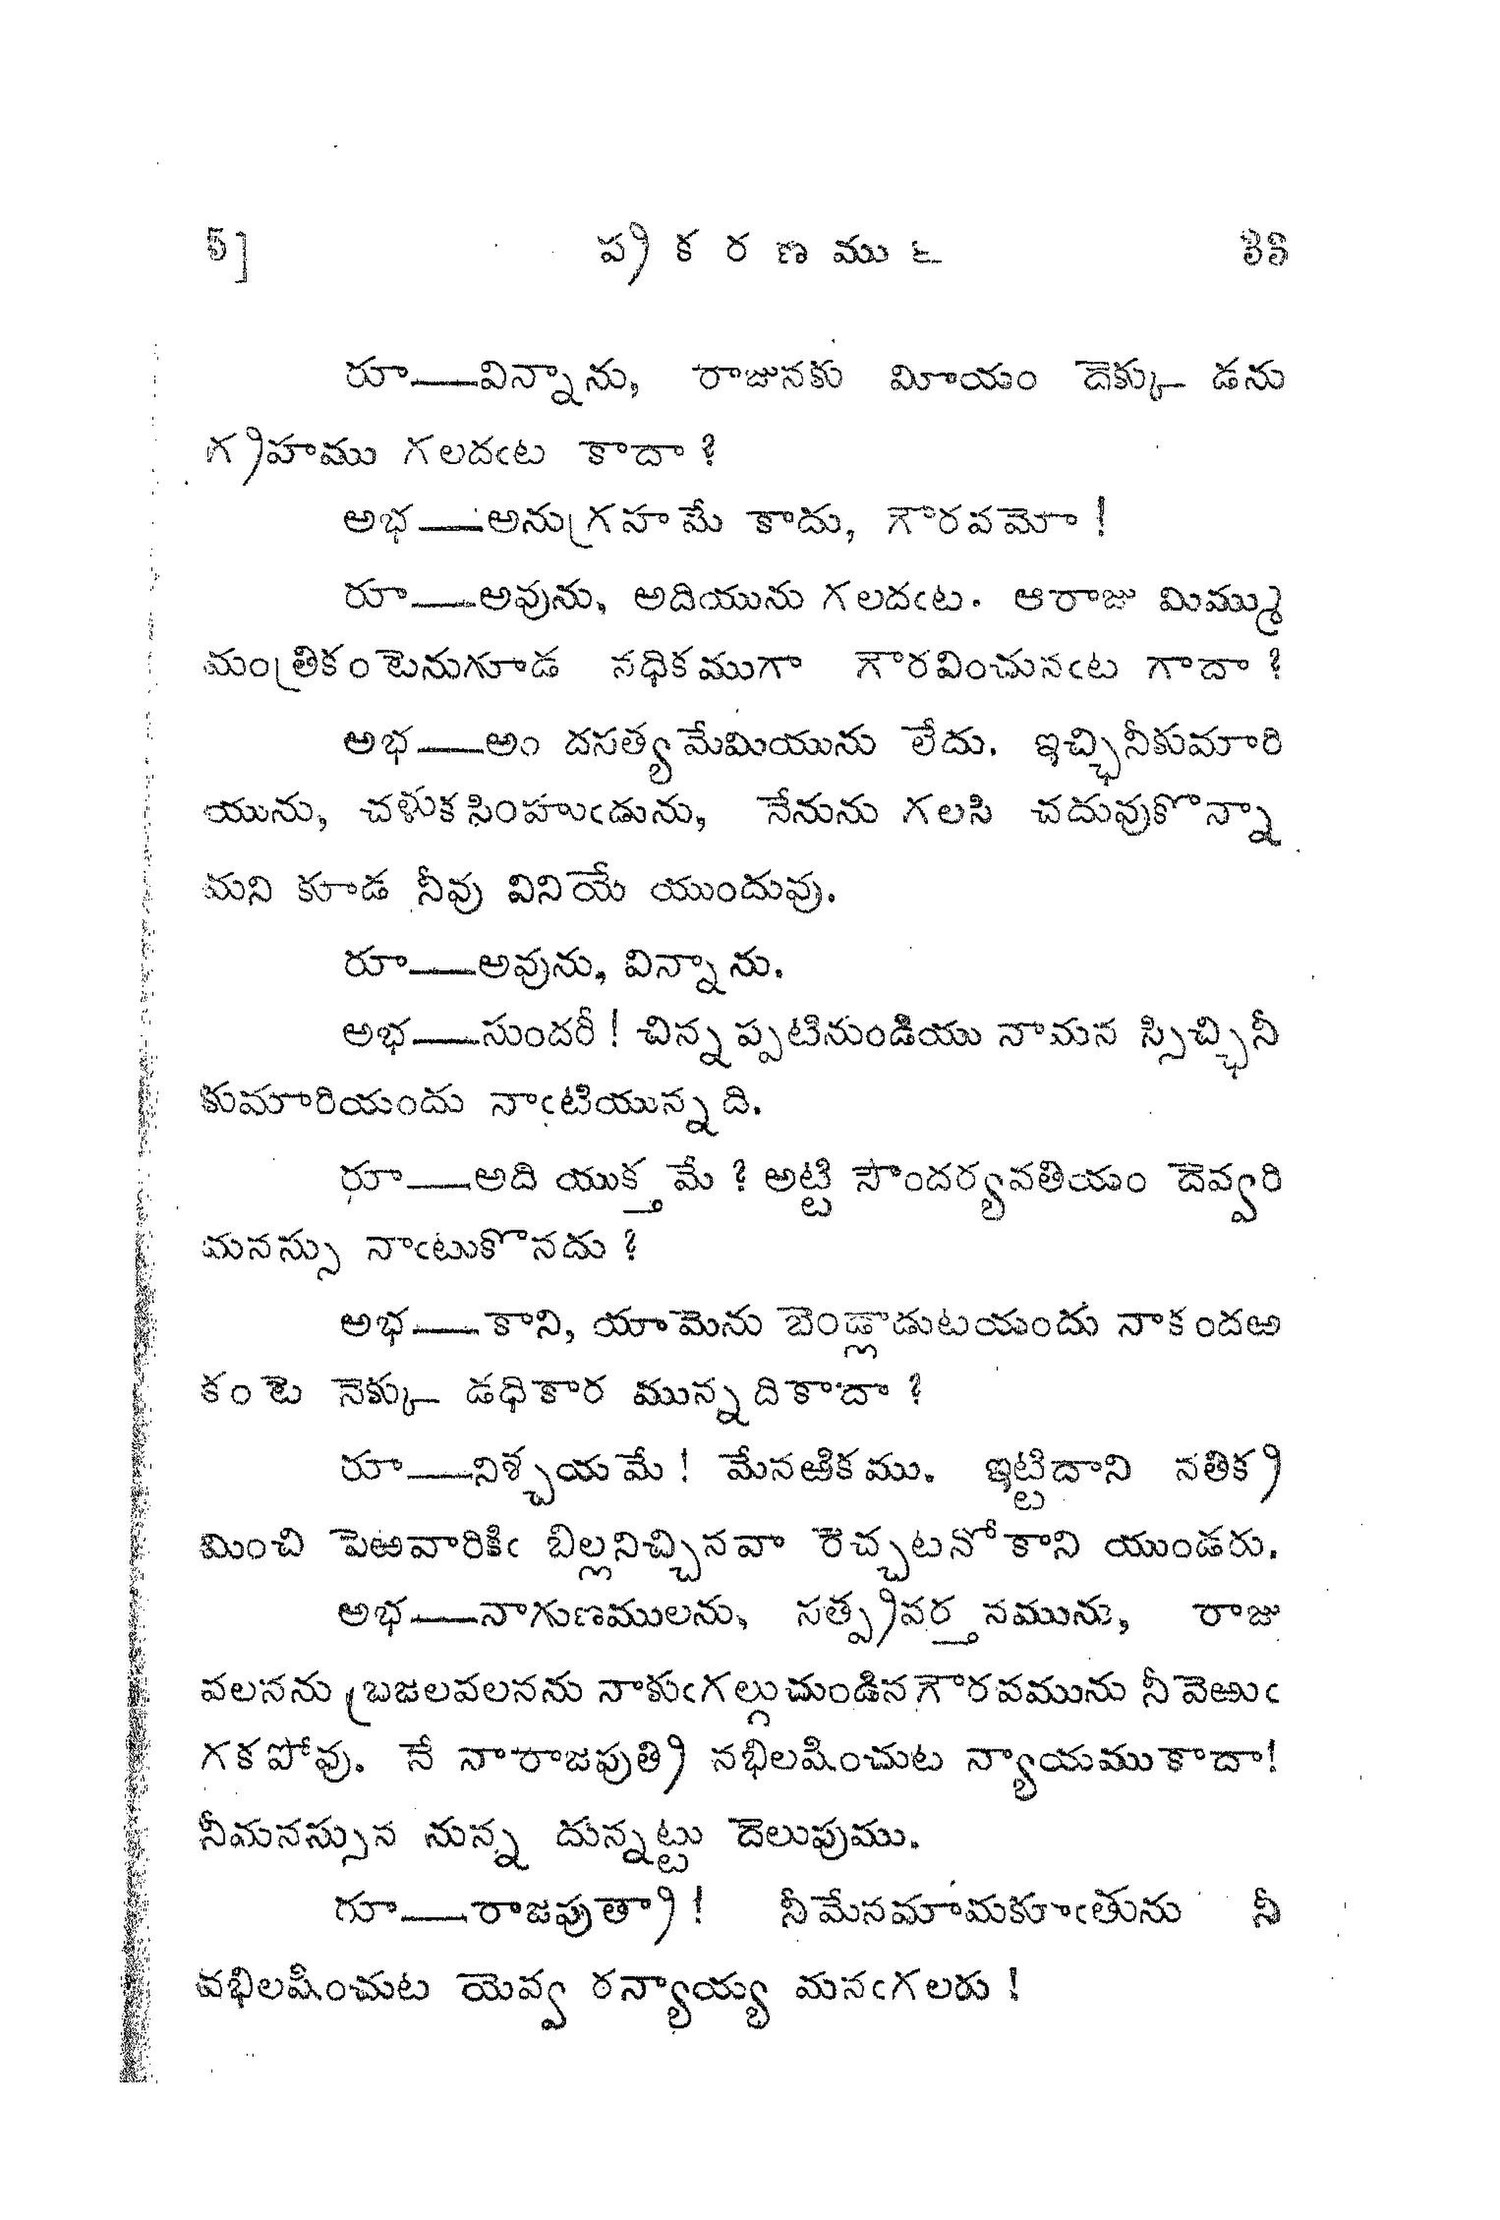రూ- విన్నాను, 'రాజునకు మీయం దెక్కు డను గ్రహము గలదఁట కాదా ?

అభ-- అనుగ్రహమే కాదు, గౌరవమో !

రూ- అవును, అదియును గలదఁట. ఆ రాజు మిమ్ము మంత్రికంటెనుగూడ నధికముగా గౌరవించునఁట గాదా ?

అభ- అందసత్య మేమియును లేదు, ఇచ్ఛినీకుమారి యును, చళుక సింహుఁడును, నేనును గలసి చదువుకొన్నా మని కూడ నీవు వినియే యుందువు.

రూ- అవును, విన్నాను. అభ: సుందరీ ! చిన్నప్పటినుండియు సోమన స్సీచ్ఛినీ కుమారియందు నాఁటియున్నది.

రూ- అది యుక్త మే ! అట్టి సౌందర్యవతియం దెవ్వరి మనస్సు నాఁటుకొనదు ?

అభ-- కాని, యామెను బెండ్లాడుటయందు నాకందఱ కంటే నెక్కు డధికార మున్నది కాదా ?

రూ: నిశ్చయమే ! మేన టికము. ఇట్టి దాని నతిక్ర మించి పెఱవారికిఁ బిల్లనిచ్చినవా రెచ్చటనో కాని యుండరు,

అభ-- నాగుణములను, సత్ప్రవర్తనమును, వలనను ప్రజలవలనను నాకుఁగల్గుచుండిన గౌరవమును నీ వెఱుఁ గకపోవు. నే నా రాజపుత్రి నభిలషించుట న్యాయము కాదా! నీమనస్సున నున్న దున్నట్టు దెలుపుము.

రూ: రాజపుతా! నీమేనమామకూతును నీవభిలషించుట యెవ్వ రన్యాయ్య మనఁగలరు !